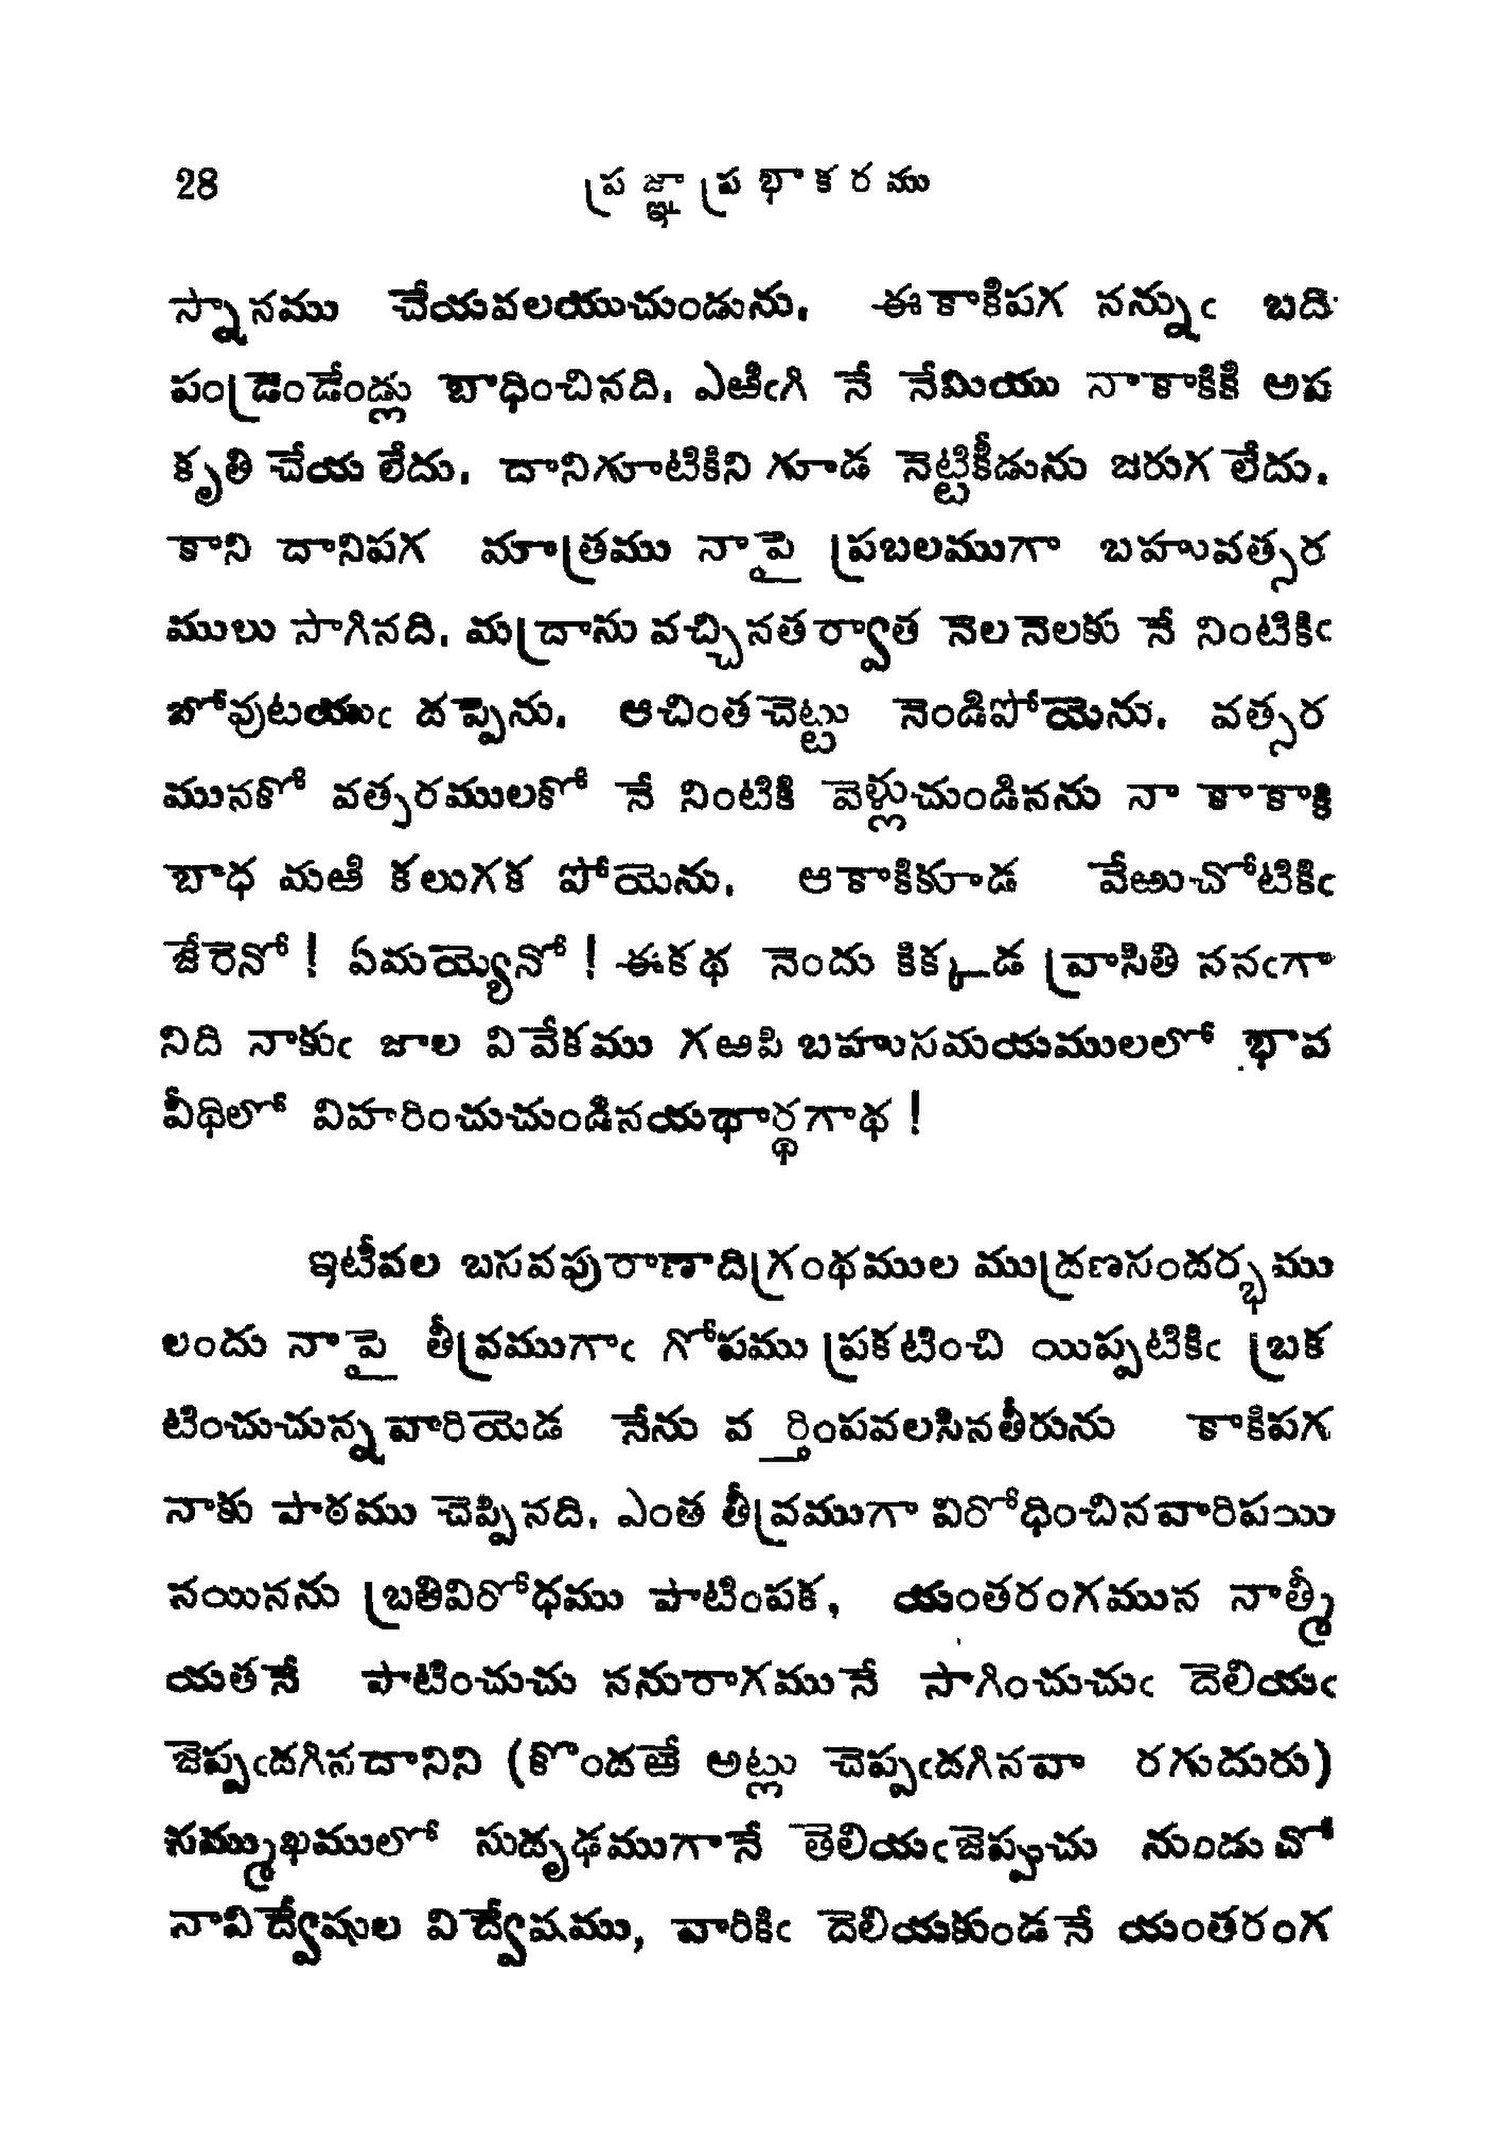స్నానము చేయ వలయుచుండును. ఈ కాకి పగ నన్నుఁ బది పండ్రెండేండ్లు బాధించినది. ఎఱిఁగి నే నేమియు నా కాకికి అపకృతి చేయ లేదు. దాని గూటికిని గూడ నెట్టికీడును జరుగ లేదు. కాని దానిపగ మాత్రము నాపై ప్రబలముగా భహువత్సర ములు సాగినది. మద్రాసు వచ్చిన తర్వాత నెలనెలకు నే నింటికిఁ బోవుటయుఁ దప్పెను. ఆ చింత చెట్టు నెండిపోయెను. ఆ కాకికూడ వేఱుచోటికిఁ జేరెనో! ఏమయ్యేనో! ఈ కధ నెందు కిక్కడ వ్రాసితి ననఁగా నిది నాకుఁ జాల వివేకము గఱపి బహుసమయములలో భావ విధిలో విహరించుచుండిన యధార్ధ గాధ!

ఇటీవల బసవపురాణాది గ్రంధముల ముద్రణ సందర్భములందు నాపై తీవ్రముగాఁ గోపము ప్రకటించి యిప్పటికిఁ బ్రకటించుచున్న వారియెడ నేను వర్తింపవలసిన తీరును కాకి పగ నాకు పాఠము చెప్పినది. ఎంత తీవ్రముగా విరోధించిన వారిపయిననను బ్రతివిరోధము పాటింపక, యంతరంగమున నాత్మీయత నే పాటించుచు నను రాగామునే సాగించుచుఁ దెలియఁ జెప్పఁ దగిన దానిని (కొందఱే అట్లు చెప్పఁదగినవా రగుదురు) సమ్ముఖములో సుదృఢముగానే తెలియఁ జెప్పుచు నుండునో నావిద్వేషము, వారికిఁ దెలియ కుండనే యంతరంగ